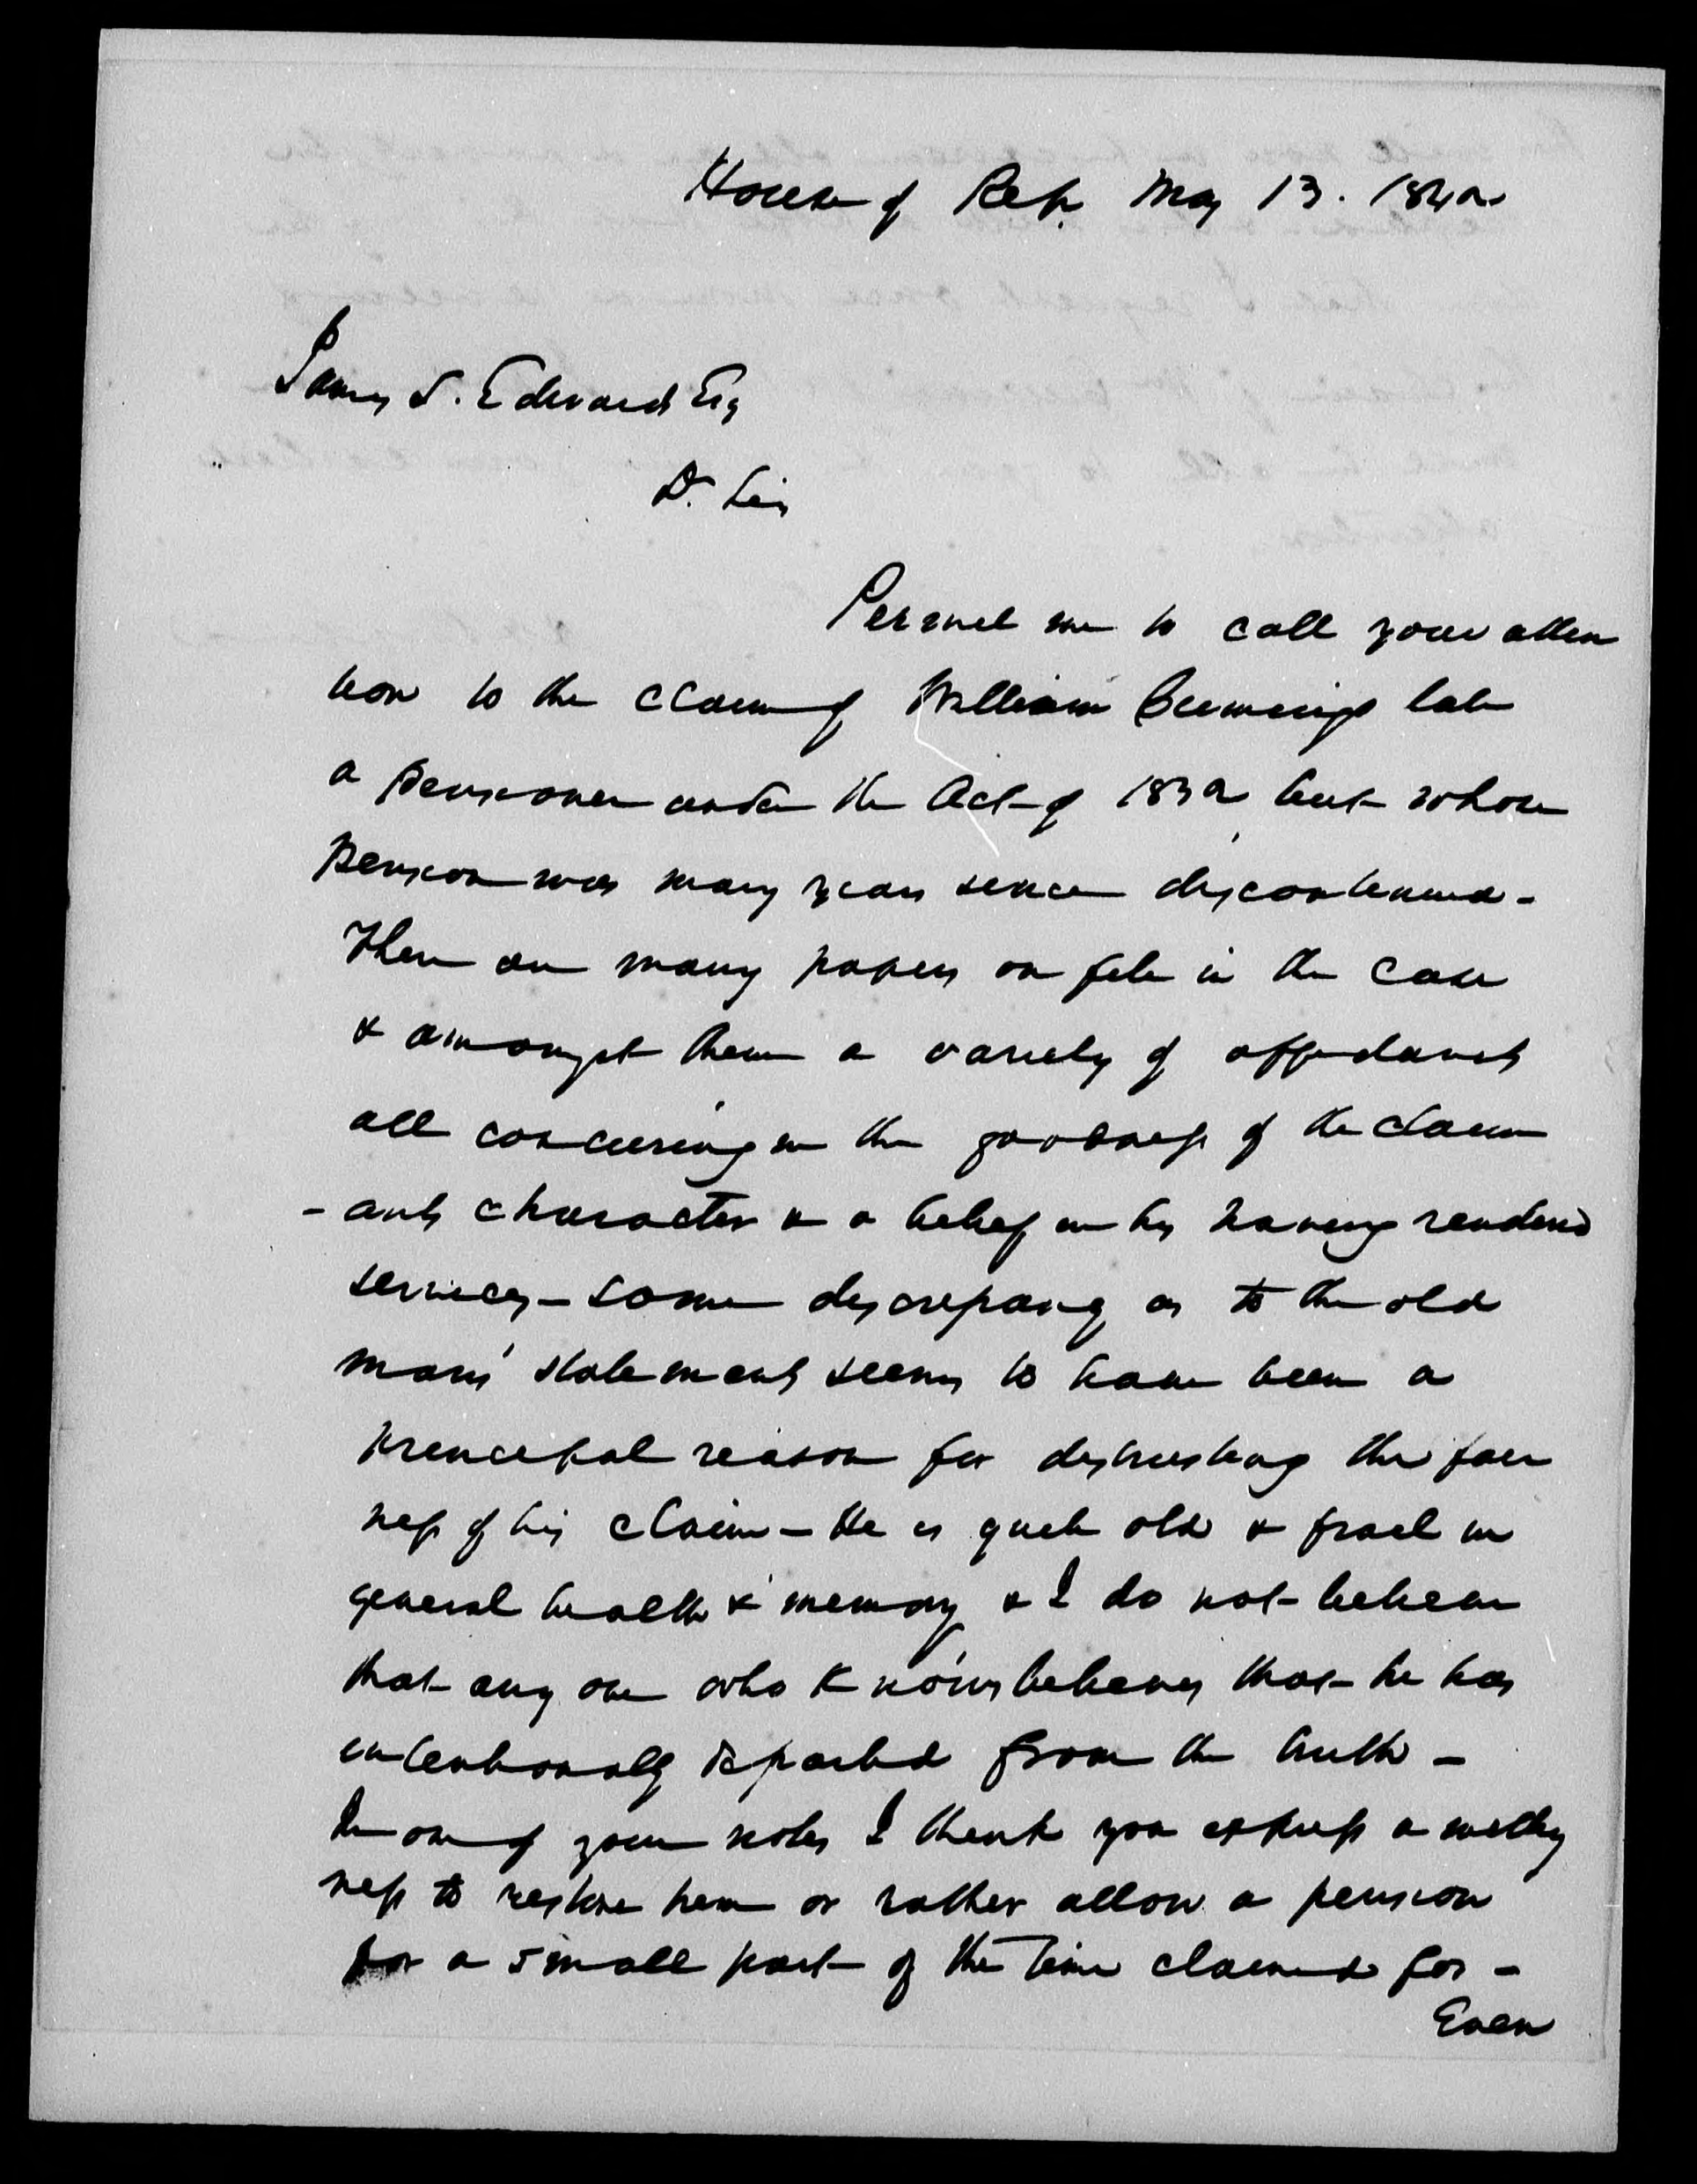[Handwritten letter]

House of Rep. May 13. 184_  [last number of year is illegible]

James L. [or S.} Edwards Esq
Dr. [Dear] Sir

Permit me to call your attention to the claim of William Cumings late a Pensioner under the Act of 183_ [last number of the year is hard to read for certain, but possibly meant 2 or 9] but- when Pension was many years since discontinued -  There are many papers on file in the Case and amongst them a variety of affidavits all concuring in the goodness of the claim - and character [?] in [or and] a belief in his having rendered Services - Some discrepany as to the old Man's statement [or statements] seems to have been a principal reason for [?] distrusting [or disturbing] the fairness of his Claim - He is quite old and frail in general health and memory and I do not believe that any one who Knows believes that- he has intentionally departed from the truth - In one of your notes I think you express a willingness to restore him or rather allow a pension for a small part of the time claimed for - Even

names: James L Edwards, William Cumings, Memory, Health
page: 26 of 145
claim: survivor's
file: S. 8265, William Cumming, N.C.